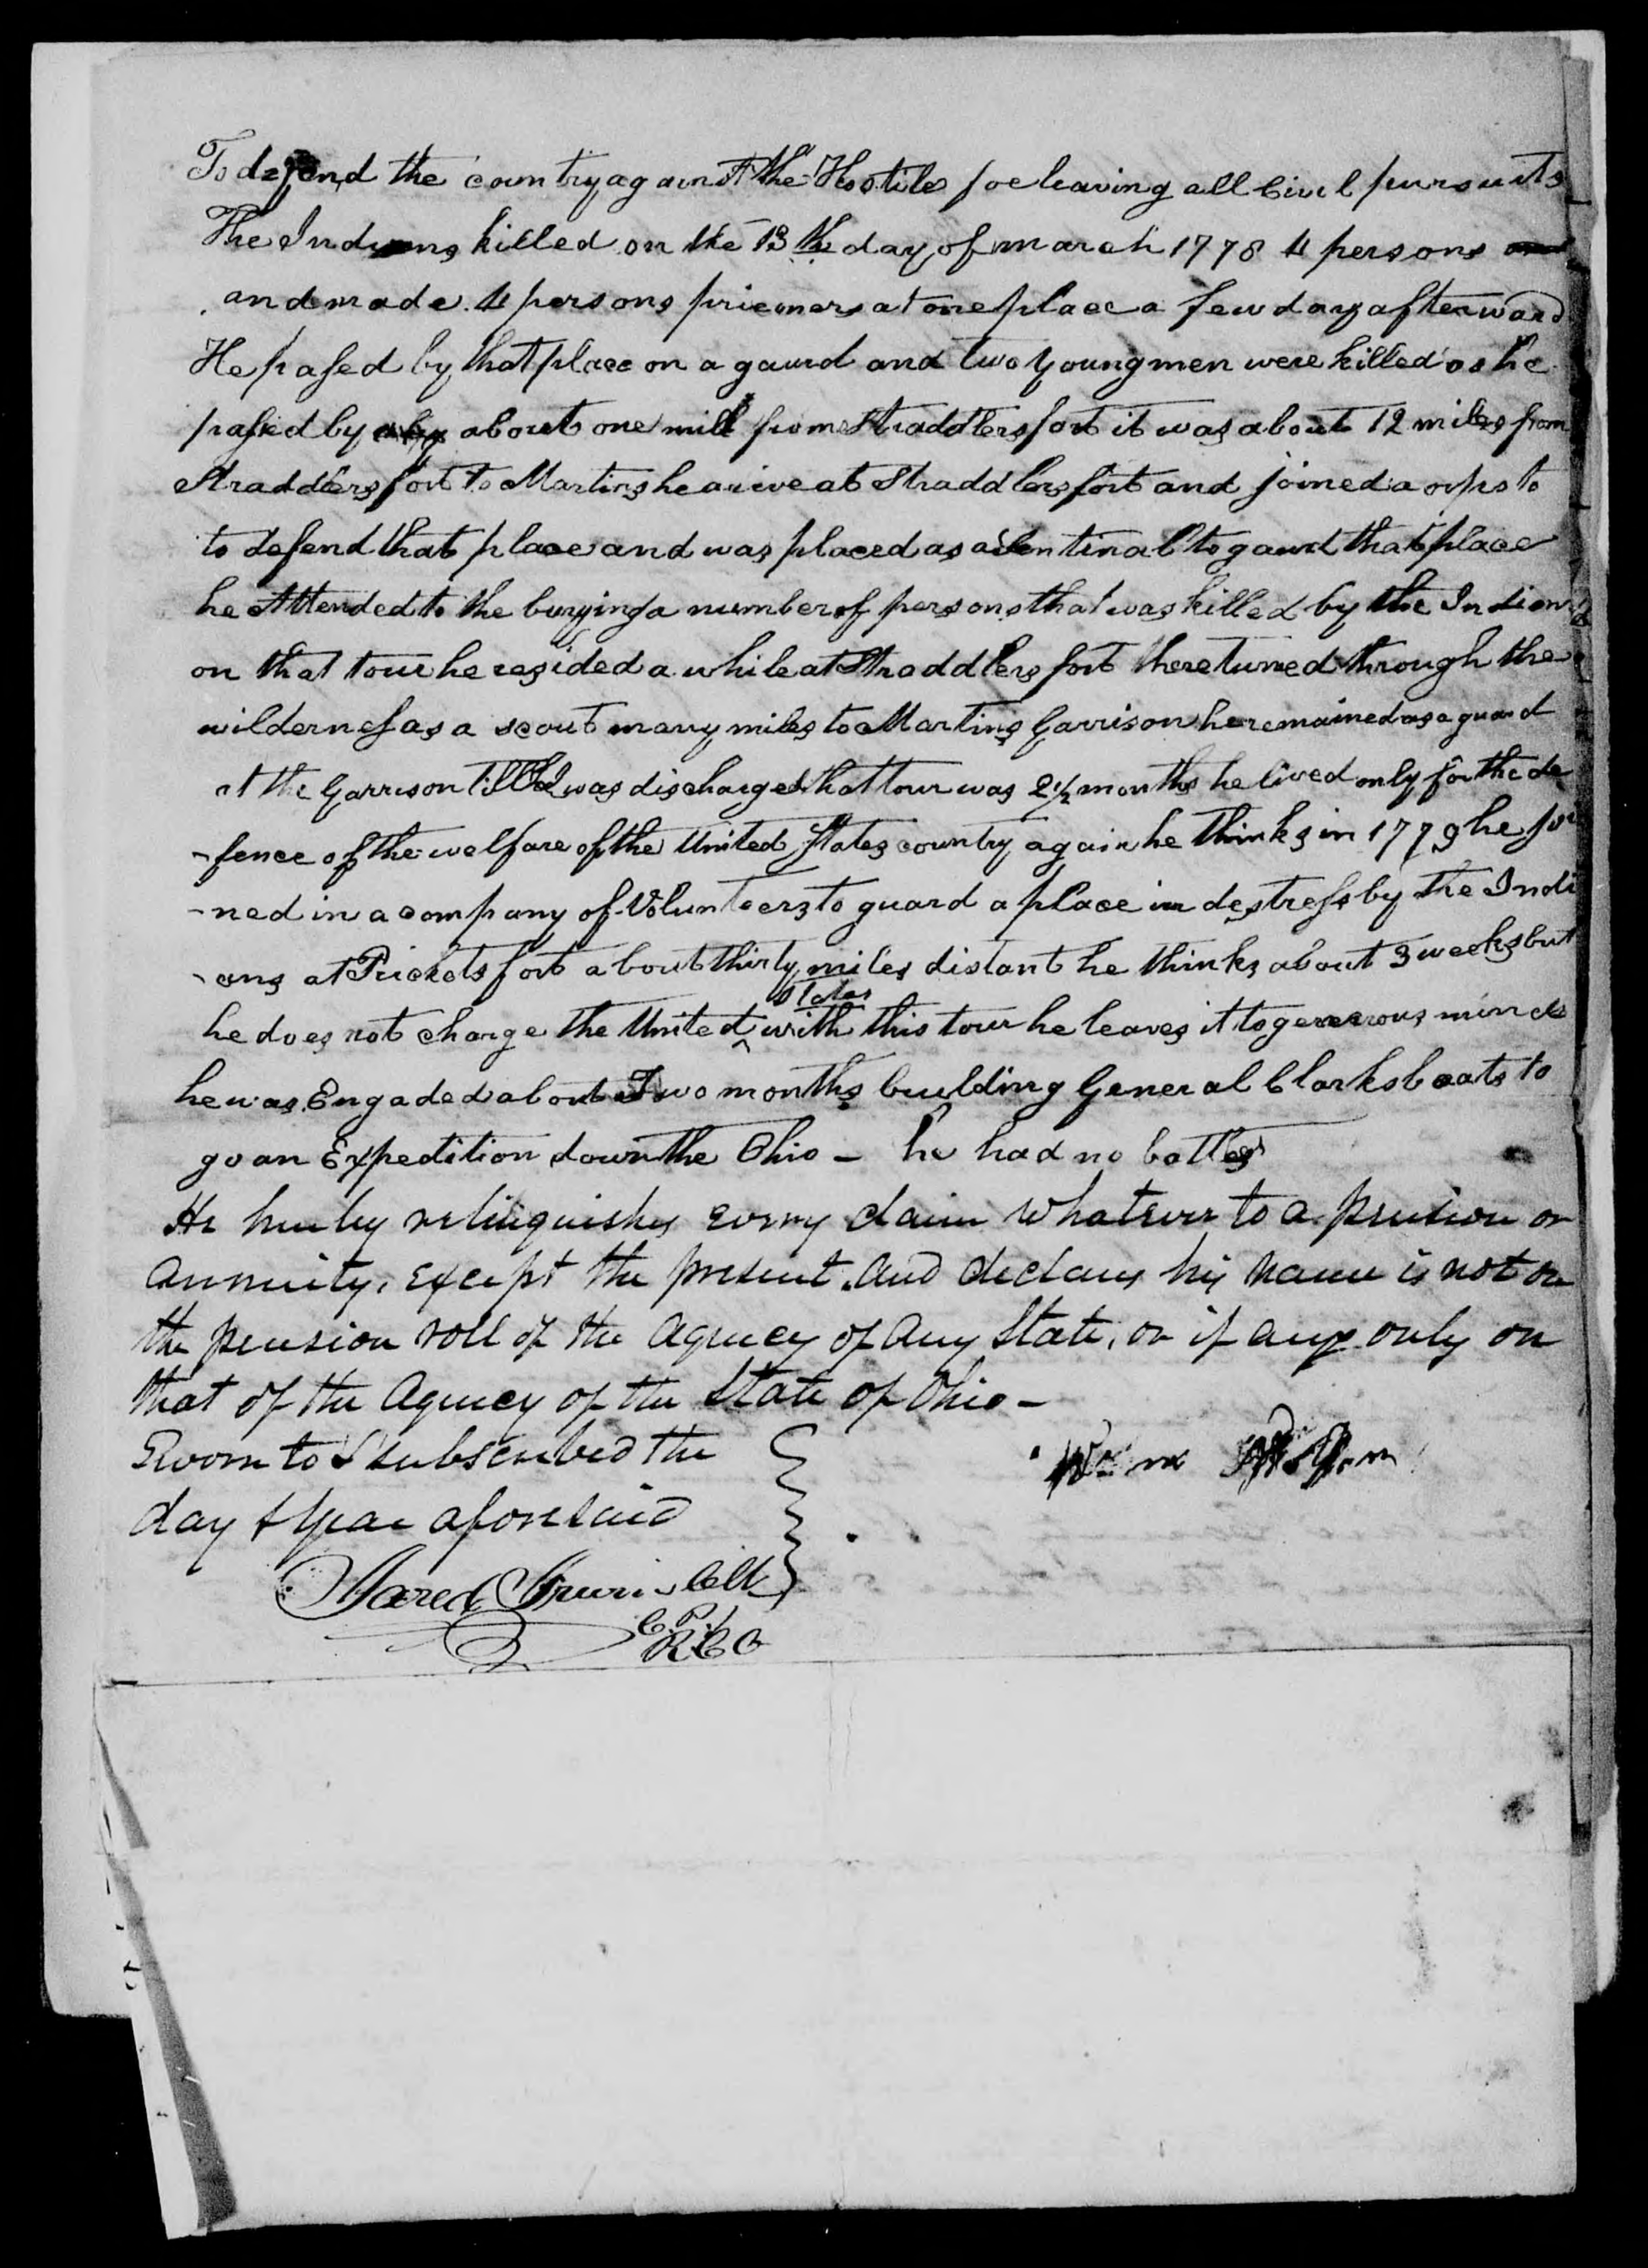To defend the country against the Hostile foe leaving all Civil pursuits The Indians killed on the 13th day of March 1778 4 persons - and made 4 persons prisoner at one place a few days afterward He passed by that place on a guard and two young men were killed he passed by about one mile from that fort it was about 12 miles from Kradders fort at Martins he arrived at Shaddlers Fort and joined a corps to defend that place and was placed as sentinel against that place he attended to the burying a number of persons that was killed by the Indians on that tour he resided a while at Shaddlers fort here turned through the wilderness as a scout many miles to Martins Garrison he remained a guard at the Garrison till he was discharged at that tour was 2 1/2 months he lived only for the defense of the welfare of the United States country again he thinks in 1779 he joined a company of volunteers to guard a place in distress by the Indians at Pickets fort about thirty miles distant he thinks about 3 weeks but he does not charge the United States with his tour he leaves it to generous minds he was Engaged about Two months building General Clarks boats to go on Expedition down the Ohio - he had no battles
He hereby relinquishes every claim whatever to a pension or annuity, except the present And declares his name is not on the pension roll of the Agency of Any State, or if any only on that of the Agency of the State of Ohio-
Sworn to & Subscribed the Wm Holson
day & year aforesaid
Jared Irwin Clk
C.P.
RCC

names: Jared Irwin, Wm Wolson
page: 20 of 33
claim: survivor's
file: S. 9587, William Holson, Va.